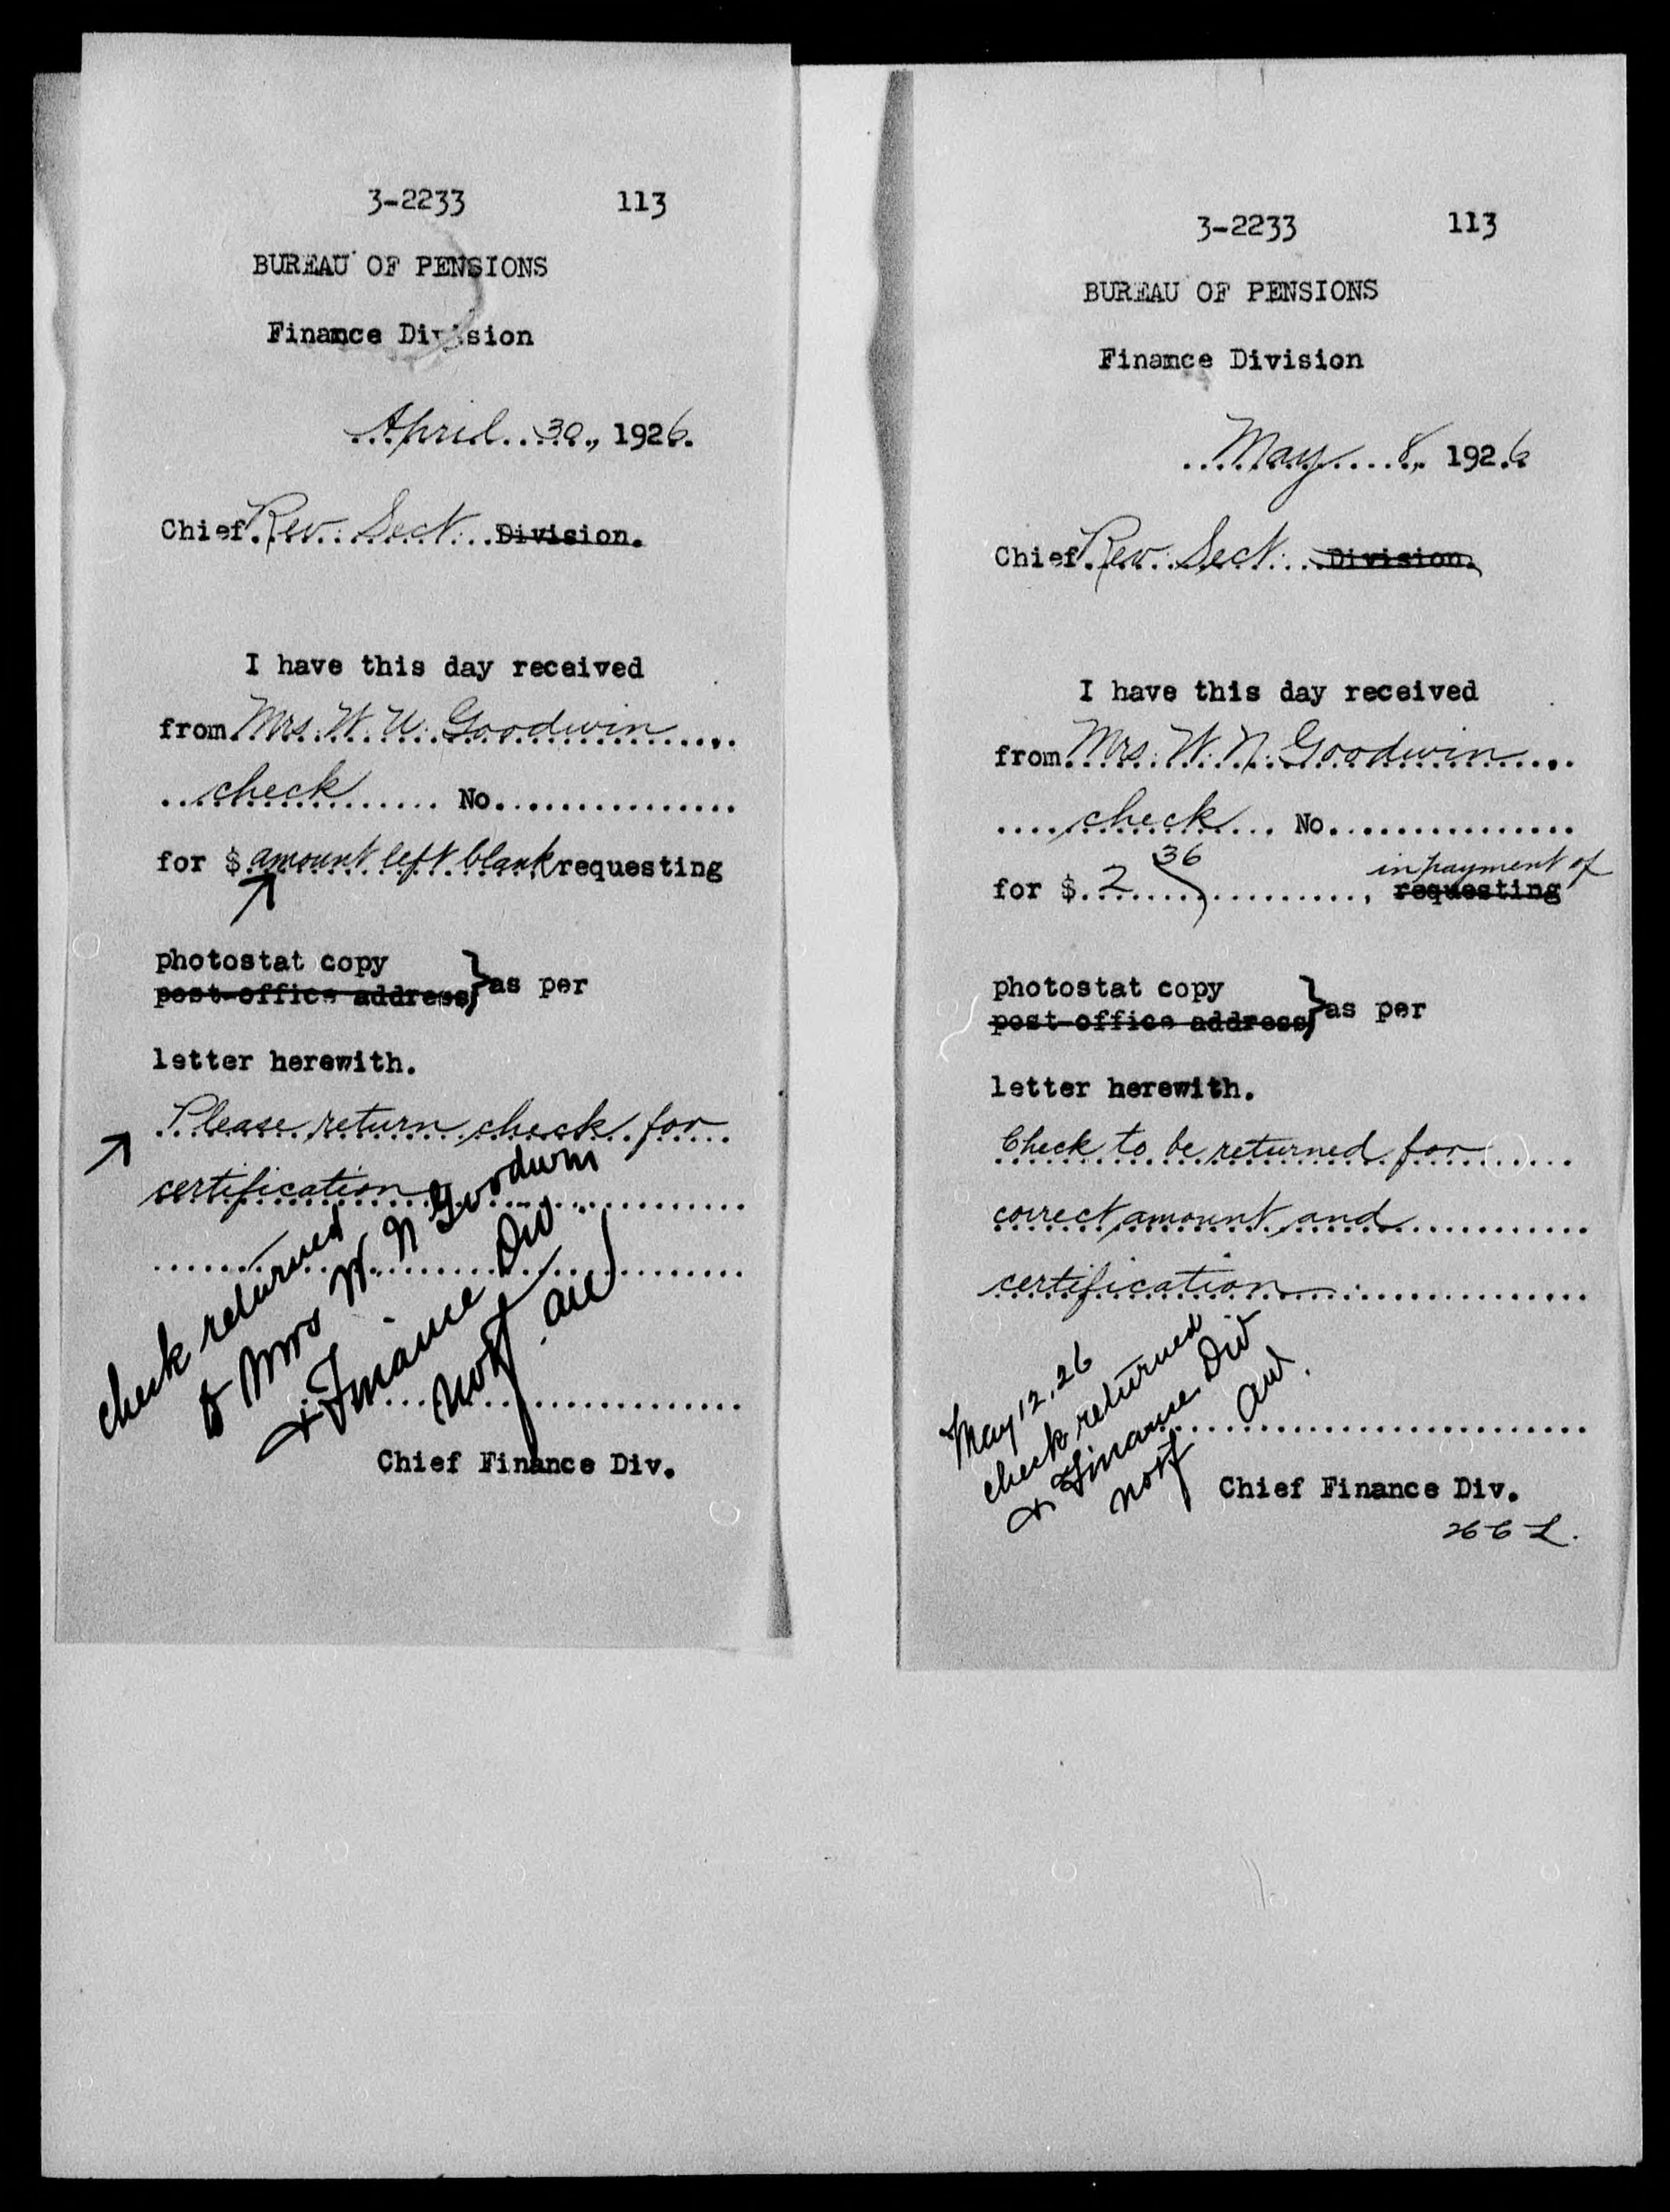(THIS FILE CONTAINS TWO IMAGES)

LEFT:
3-2233		113
BUREAU OF PENSIONS
Finance Division
April 30, 1926
Chief Rev Sect (Division -crossed out)
I have this day received
From Mrs. W. N. Goodwin
check   No.
for amount left blank requesting
(arrow)
photostat copy} as per
(post office address- crossed out)
letter herewith.
(handwritten at bottom)
{Please return check for certification
Check returned to Mrs. W. N. Goodwin & Finance Div notf AW}
Chief Finance Div.

RIGHT:
3-2233		113
BUREAU OF PENSIONS
Finance Division
May 8, 1926
Chief Rev Sect (Division -crossed out)
I have this day received
From Mrs. W. N. Goodwin
check   No.
for $2.36 in payment of 
(requesting – crossed out) 
photostat copy} as per
(post office address- crossed out)
letter herewith.
(handwritten at bottom)
{Check to be returned for correct amount and certification
Handwritten: 
{May 12, 26
check returned & Finance Div notf AW}
Chief Finance Div.  
NCL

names: W N Goodwin, W N Goodwin, W N Goodwin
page: 38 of 47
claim: survivor's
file: S. 3102, Frederick Burket, Va.